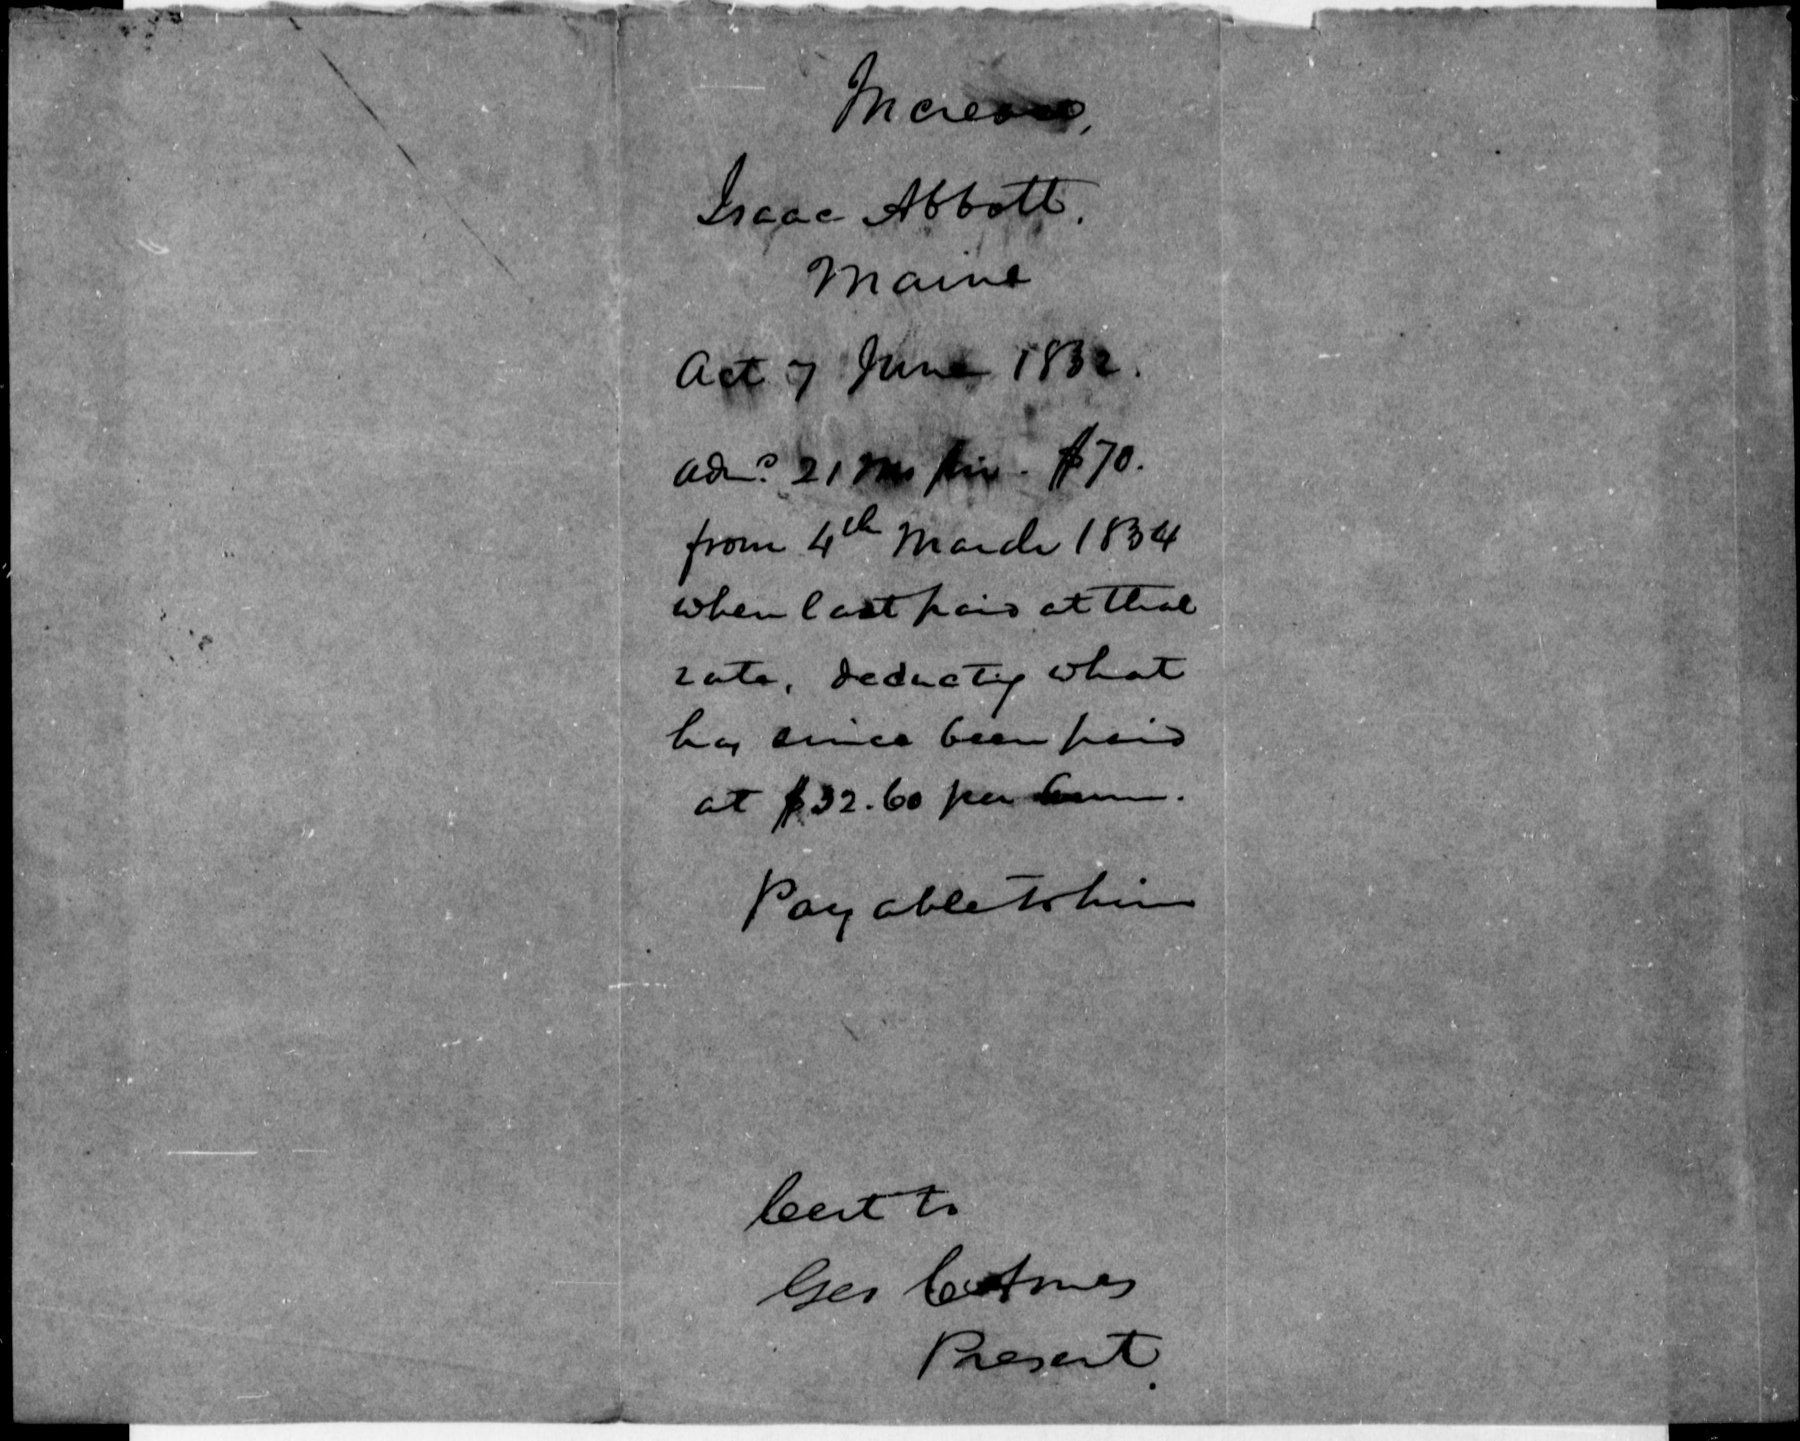Maine,
Isaac Abbott,
Maine
Act 7 June, 1832
Ad'd 21 mos priv. $70
from 4th March 1834
when last paid at that
rate, deducting what
has since been paid
at $32.60 per annum.

Payable to him.




Sent to
Geo. C. Ames
Present.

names: Isaac Abbott, Geo C Ames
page: 30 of 86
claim: survivor's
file: S 29,568, Isaac Abbot, Mass